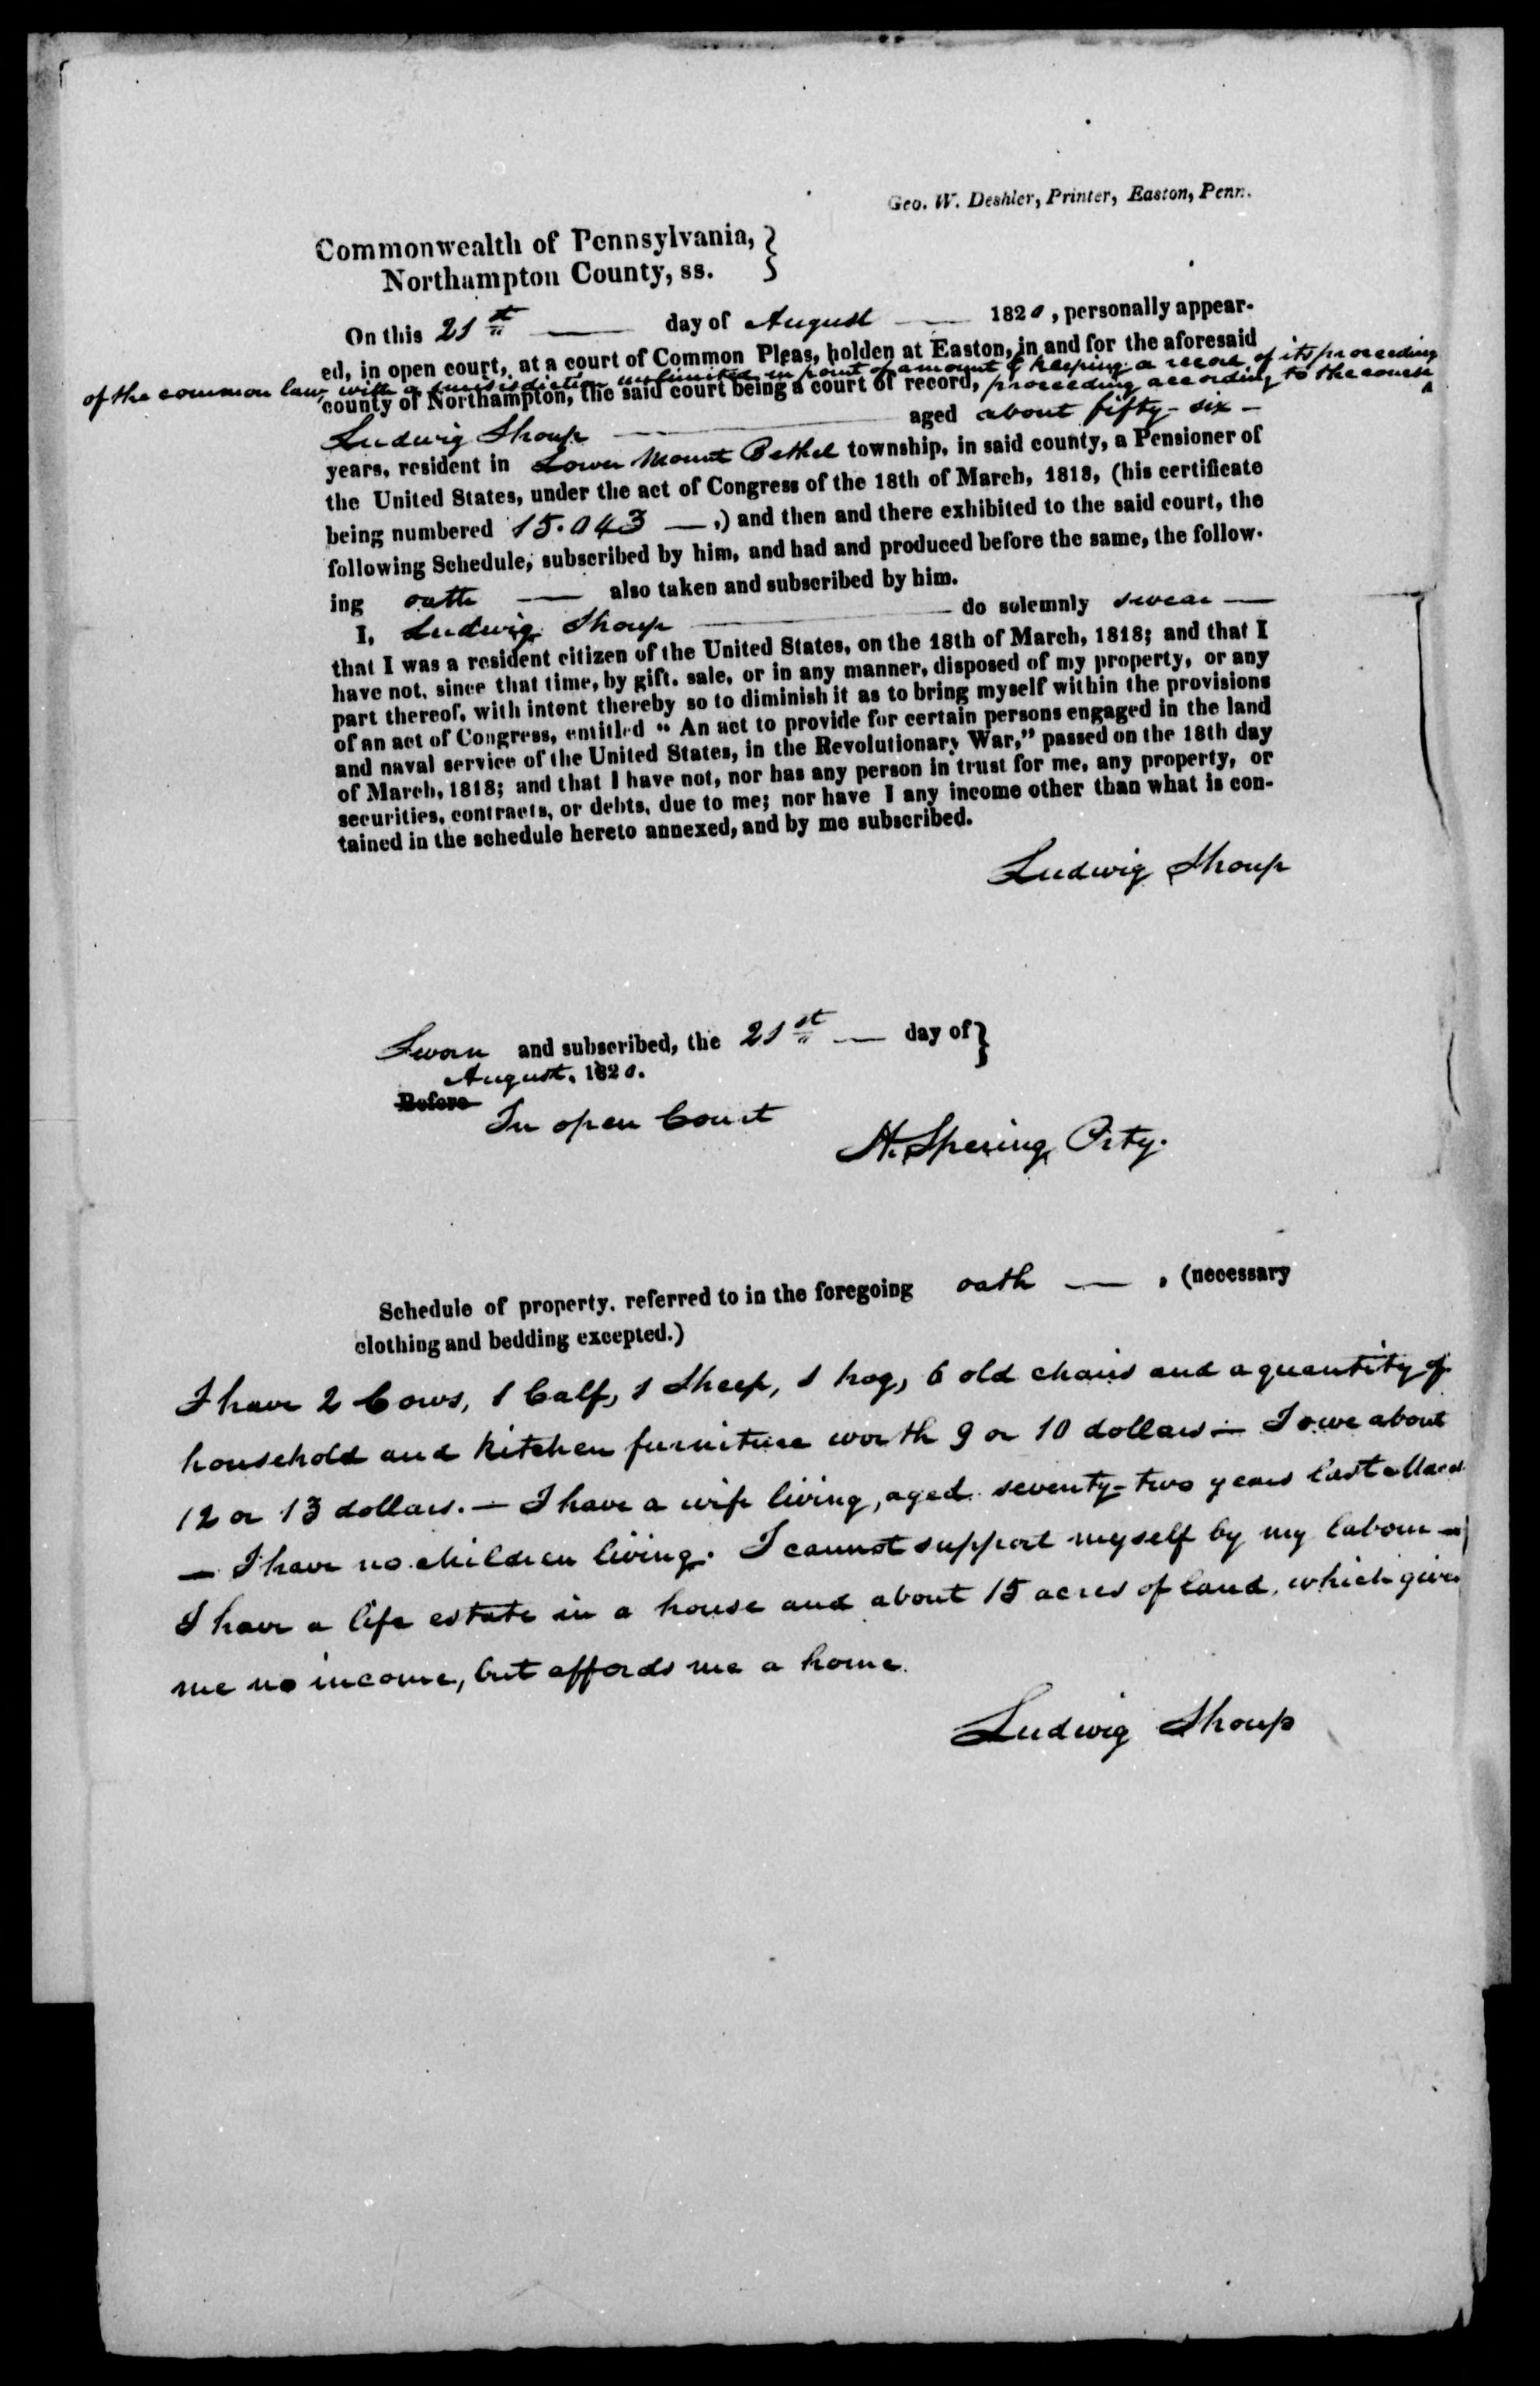Geo. W. Deshler, Printer, Easton, Penn.

 Commonwealth of Pennsylvania, Northampton County, SS. 

On this 24th day of August 1820, personally appeared, in open court, at a court of Common Pleas, holden at Easton, in and for the aforesaid County of Northampton, The said court being a court of record proceeding according to the courts’ Ludwig Shoup of the common law with aged about fifty-six years resident of Lower Mount Bethel township, in said county, a pensioner of the United States, under the act of Congress of the 18th of March, 1818, his certificate being numbered 15.043 and then and there exhibited to the said court, the following Schedule, subscribed by him, and had and produced before the same, the following oath also taken and subscribed by him. 

I, Ludwig Shoup do solemnly swear that I was a resident citizen of the United States, on the 18th of March, 1818; and that I have not, since that time, by gift, sale, or in any manner, disposed of my property, or any part thereof, with intent thereby so to diminish it as to bring myself within the provisions of an act of Congress, entitled "" An act to provide for certain persons engaged in the land and naval service of the United States, in the Revolutionary War,” passed on the 18th day of March, 1818; and that I have not, nor has any person in trust for me, any property, or securities, contracts, or debts, due to me; nor have I any income other than what is contained in the schedule hereto annexed, and by me subscribed. Ludwig Shoup 
its proceeding to the Sworn and subscribed the 24th day of August 1830 In open Court H. Spring City 

Schedule of property, referred to in the foregoing oath necessary clothing and bedding excepted.) I have 2 cows, 1 Calf 1 Sheep & hogs 6 old chairs and a household and kitchen furniture worth 9 or 10 dollars 12 or 13 dollars. I have a wife living, aged seventy two years I have no children living. I cannot support myself by I have a life estate in a house and about 15 acres of land, which gives me no income, but affords me a home Ludwig Shoup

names: Ludwig Shoup; Ludwig Shoup; H Spering; Ludwig Shoup; Ludwig Shoup; Geo W Deshler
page: 5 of 19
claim: survivor's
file: S. 40410, for Ludwig Shoup, Pennsylvania